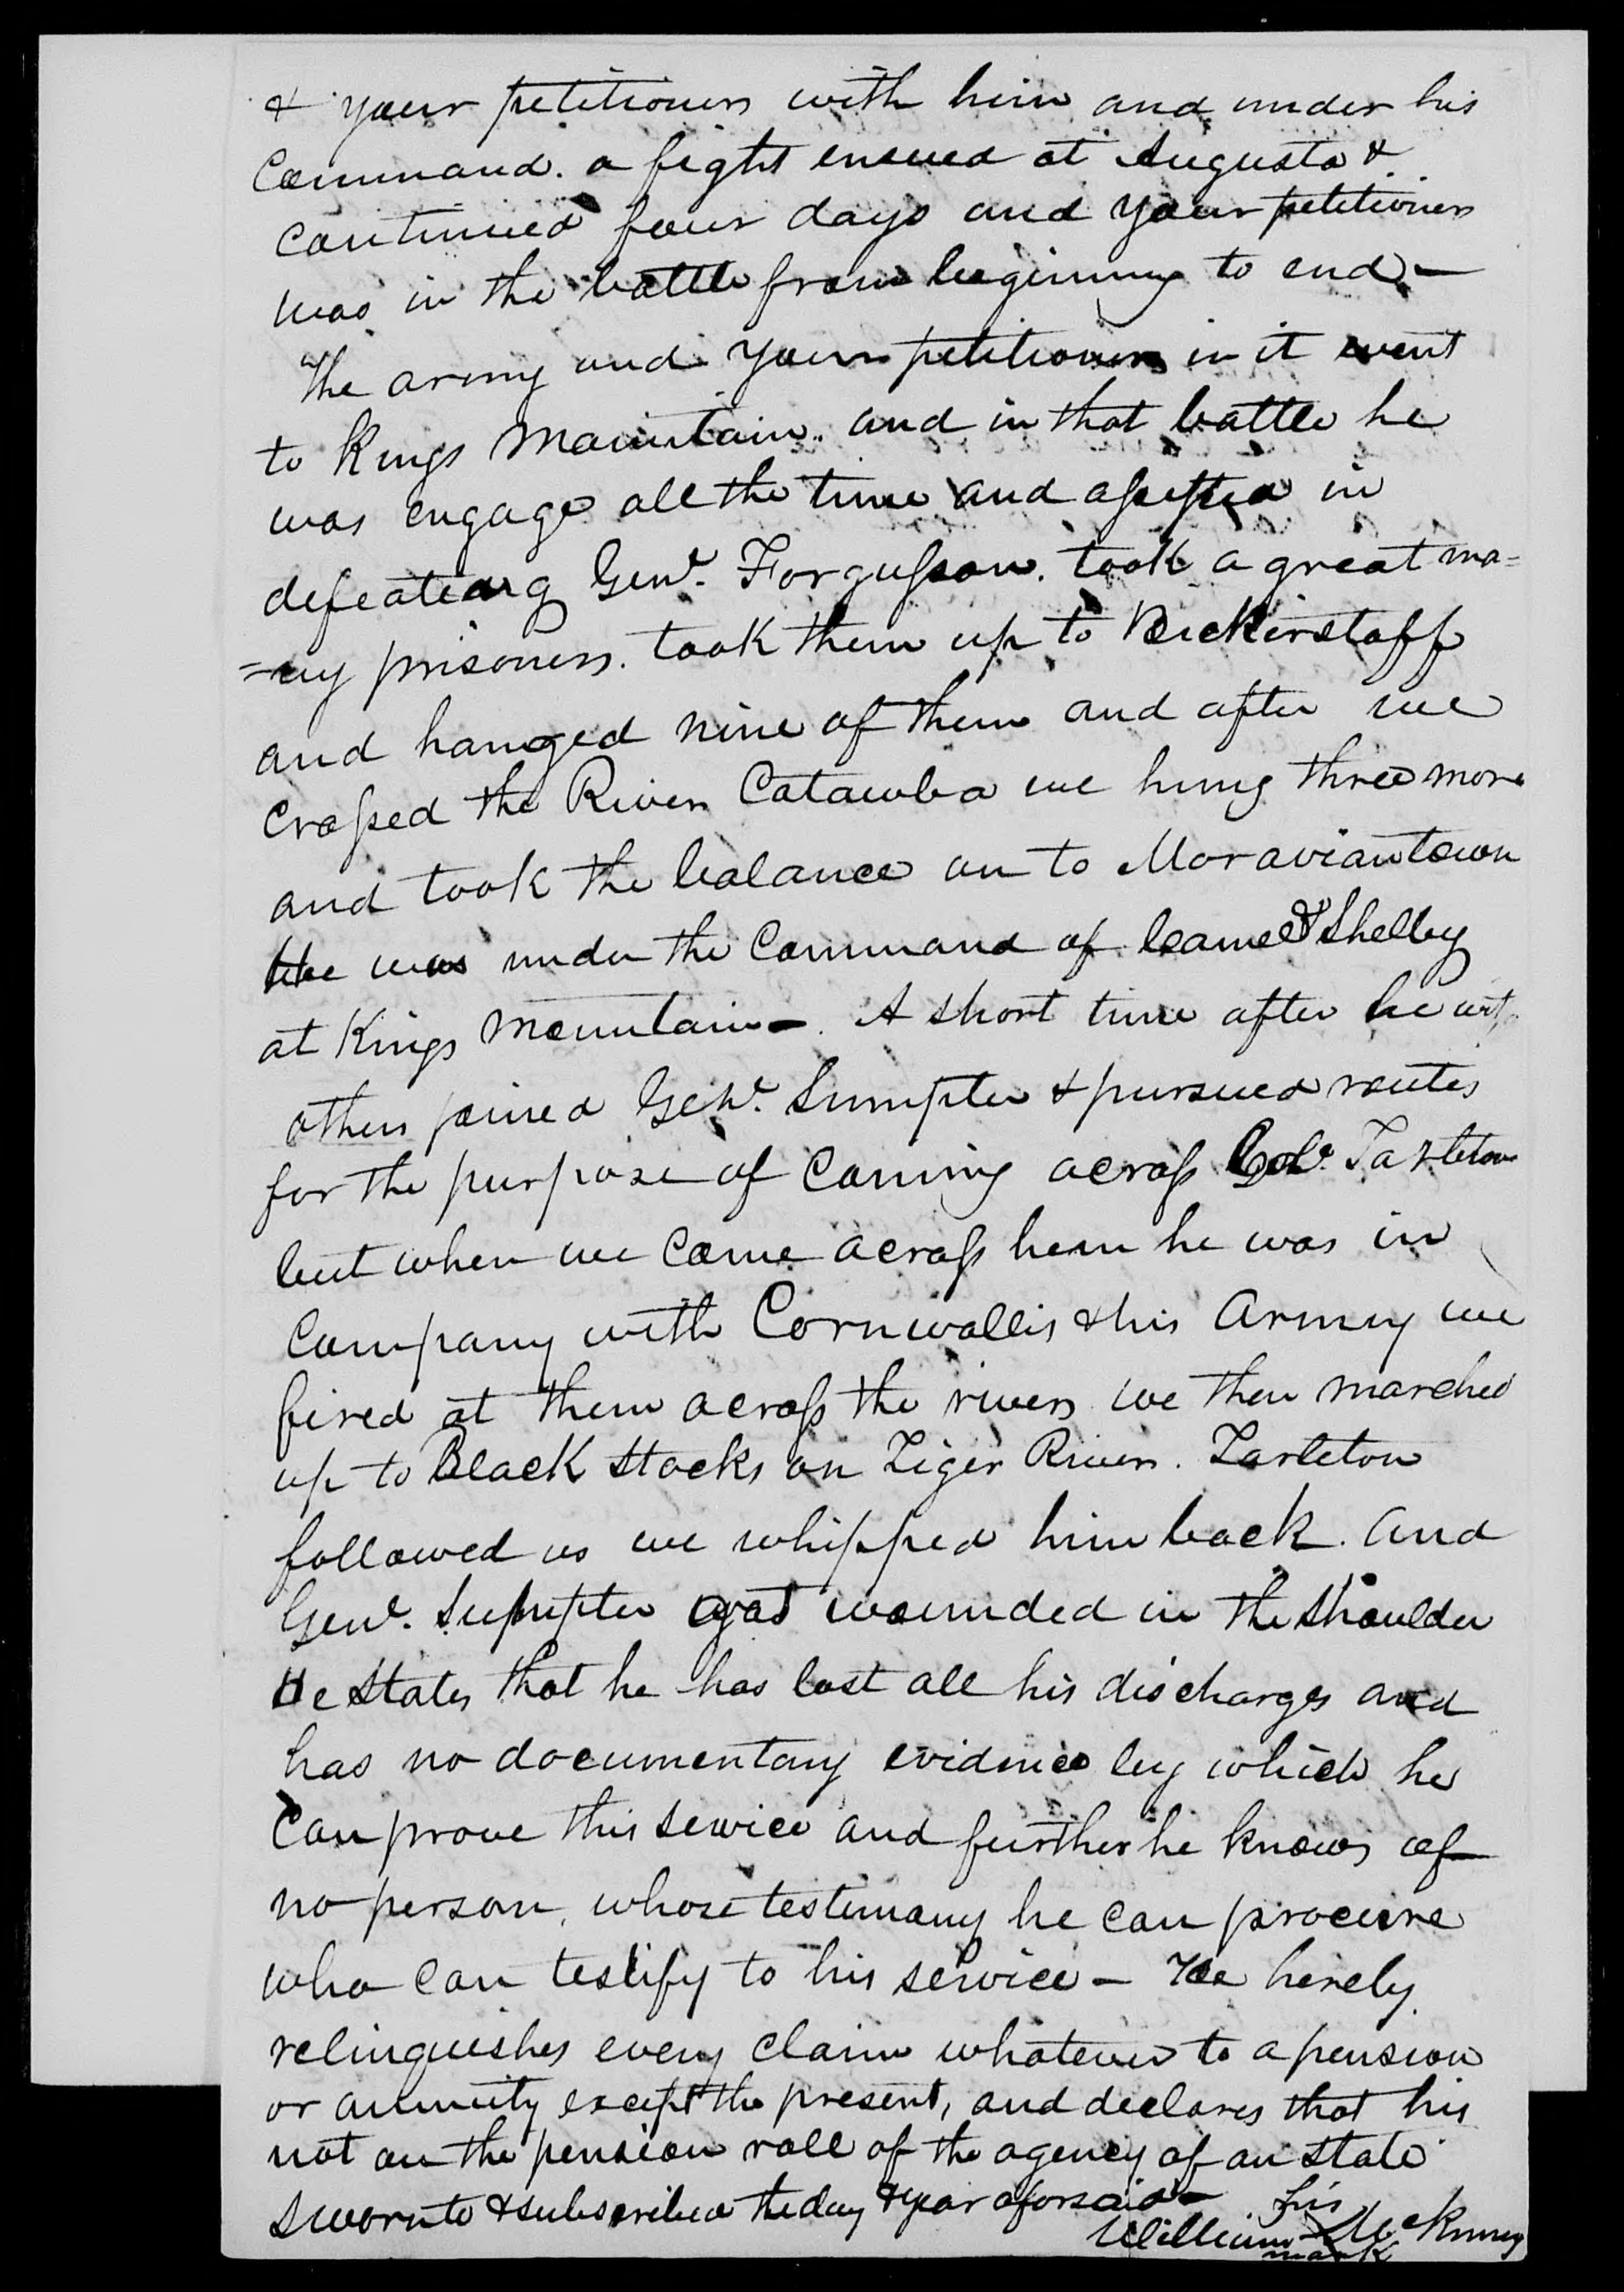& your petitioner with him and under his Command a fight ensued at Augusta & continued four days and your petitioner was in the battle from beginning to end-
The army with your petitioner in it went to Kings Mountain and in that battle he was engaged all the time and assisted in defeating Genl. Fergusson [Major Patrick Ferguson] took a great many prisoners. Took them up to Bickinstaff and hanged nine of them and after we crossed the River Catawba we hung three men and took the balance on to Moravian town He was under the Command of Colonel Shelby at Kings Mountain. A short time after he with others joined Genl. Sumpter [Sumter] & pursued routes for the purpose of Coming across Col. Tarleton but when we Came across him he was in Company with Cornwallis & his army we fired at them across the river we then marched up to Black Stocks on Tiger River. Tarleton followed us we whipped him back. And Genl. Sumter was wounded in the shoulder He states that he has lost all his discharges and has no documentary evidence by which he can prove this service and further he knows of no person whose testimony he can procure who can testify to his service- He hereby relinquish every claim whatever to a pension or annuity except the present, and declares that his not on the pension roll of the agency of an state sworn to & subscribed the day & year aforesaid 
William X [his mark] McKinney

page: 7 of 28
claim: survivor's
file: S. 16,470, for William Mc Kinney, Georgia